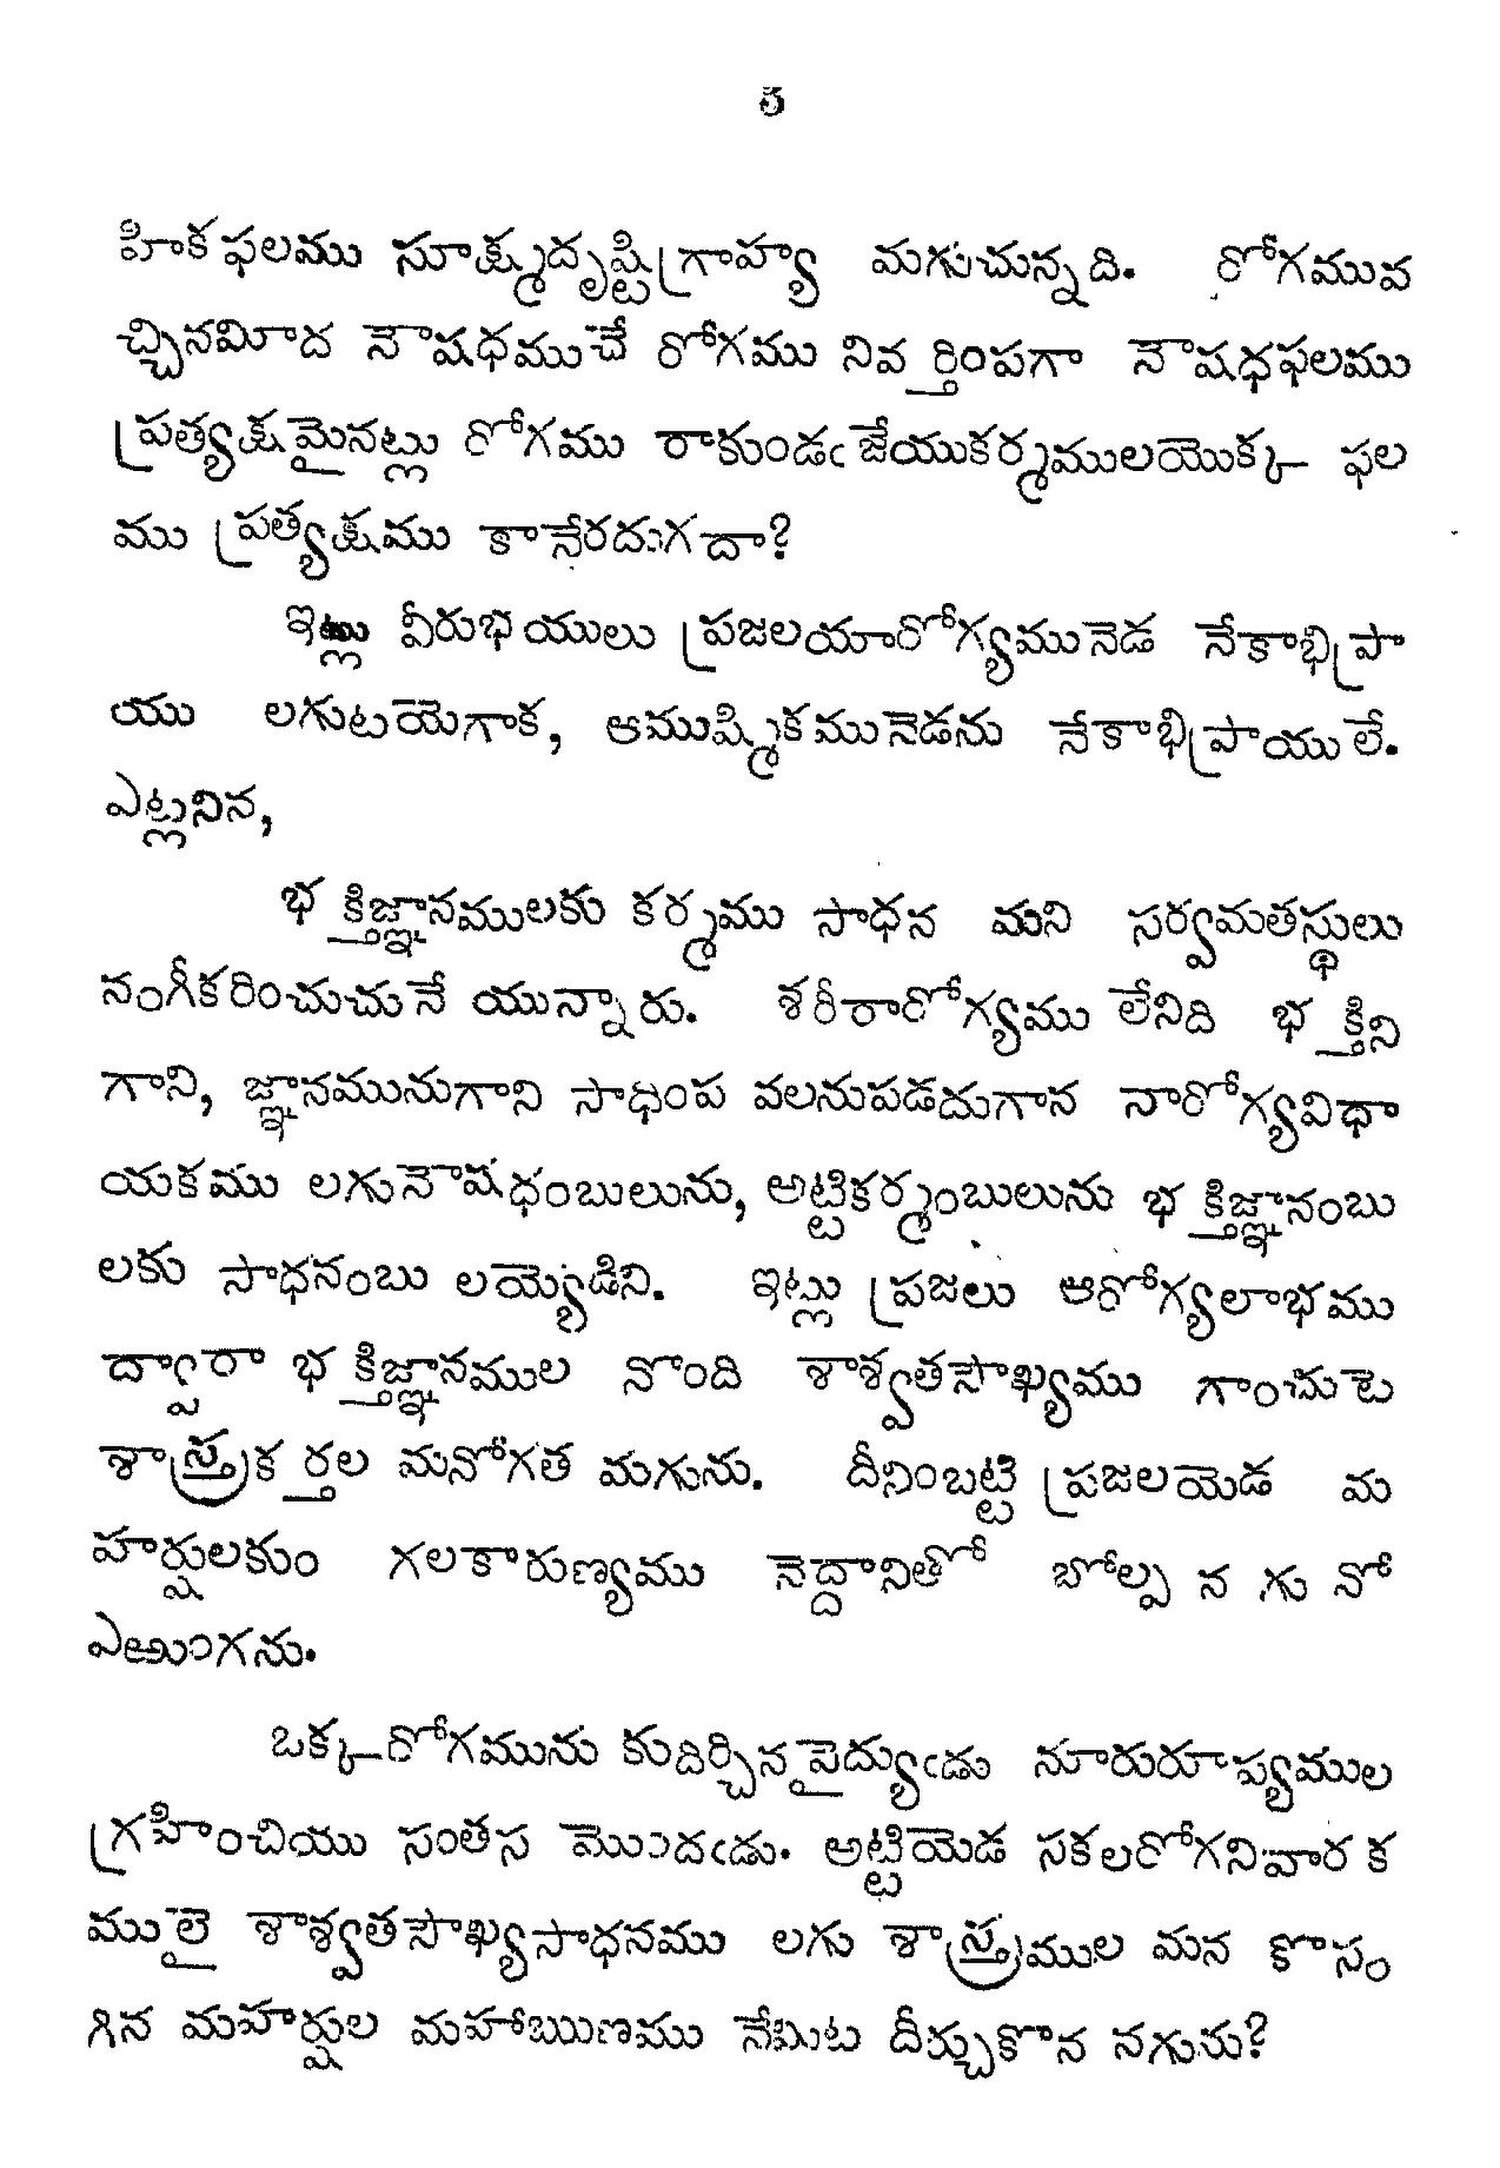హికఫలము సూక్ష్మదృష్టిగ్రాహ్య మగుచున్నది. రోగమువచ్చినమీద నౌషధముచే రోగము నివర్తింపగా నౌషధఫలము ప్రత్యక్షమైనట్లు రోగము రాకుండఁ జేయుకర్మములయొక్క ఫలము ప్రత్యక్షము కానేరదుగదా?

ఇట్లు వీరుభయులు ప్రజలయారోగ్యమునెడ నేకాభిప్రాయు లగుటయెగాక, ఆముష్మికమునెడను నేకాభిప్రాయులే. ఎట్లనిన,

భక్తిజ్ఞానములకు కర్మము సాధన మని సర్వమతస్థులు నంగీకరించుచునే యున్నారు. శరీరారోగ్యము లేనిది భక్తినిగాని, జ్ఞానమునుగాని సాధింప వలనుపడదుగాన నారోగ్యవిధాయకము లగునౌషధంబులును, అట్టికర్మంబులును భక్తిజ్ఞానంబులకు సాధనంబు లయ్యెడిని. ఇట్లు ప్రజలు ఆరోగ్యలాభము ద్వారా భక్తిజ్ఞానముల నొంది శాశ్వతసౌఖ్యము గాంచుటె శాస్త్రకర్తల మనోగత మగును. దీనింబట్టి ప్రజలయెడ మహర్షులకుం గలకారుణ్యము నెద్దానితో బోల్ప నగునో ఎఱుంగను.

ఒక్కరోగమును కుదిర్చినవైద్యుఁడు నూరురూప్యముల గ్రహించియు సంతస మొందఁడు. అట్టియెడ సకలరోగనివారకములై శాశ్వతసౌఖ్యసాధనము లగు శాస్త్రముల మన కొసంగిన మహర్షుల మహాఋణము నేమిట దీర్చుకొన నగును?